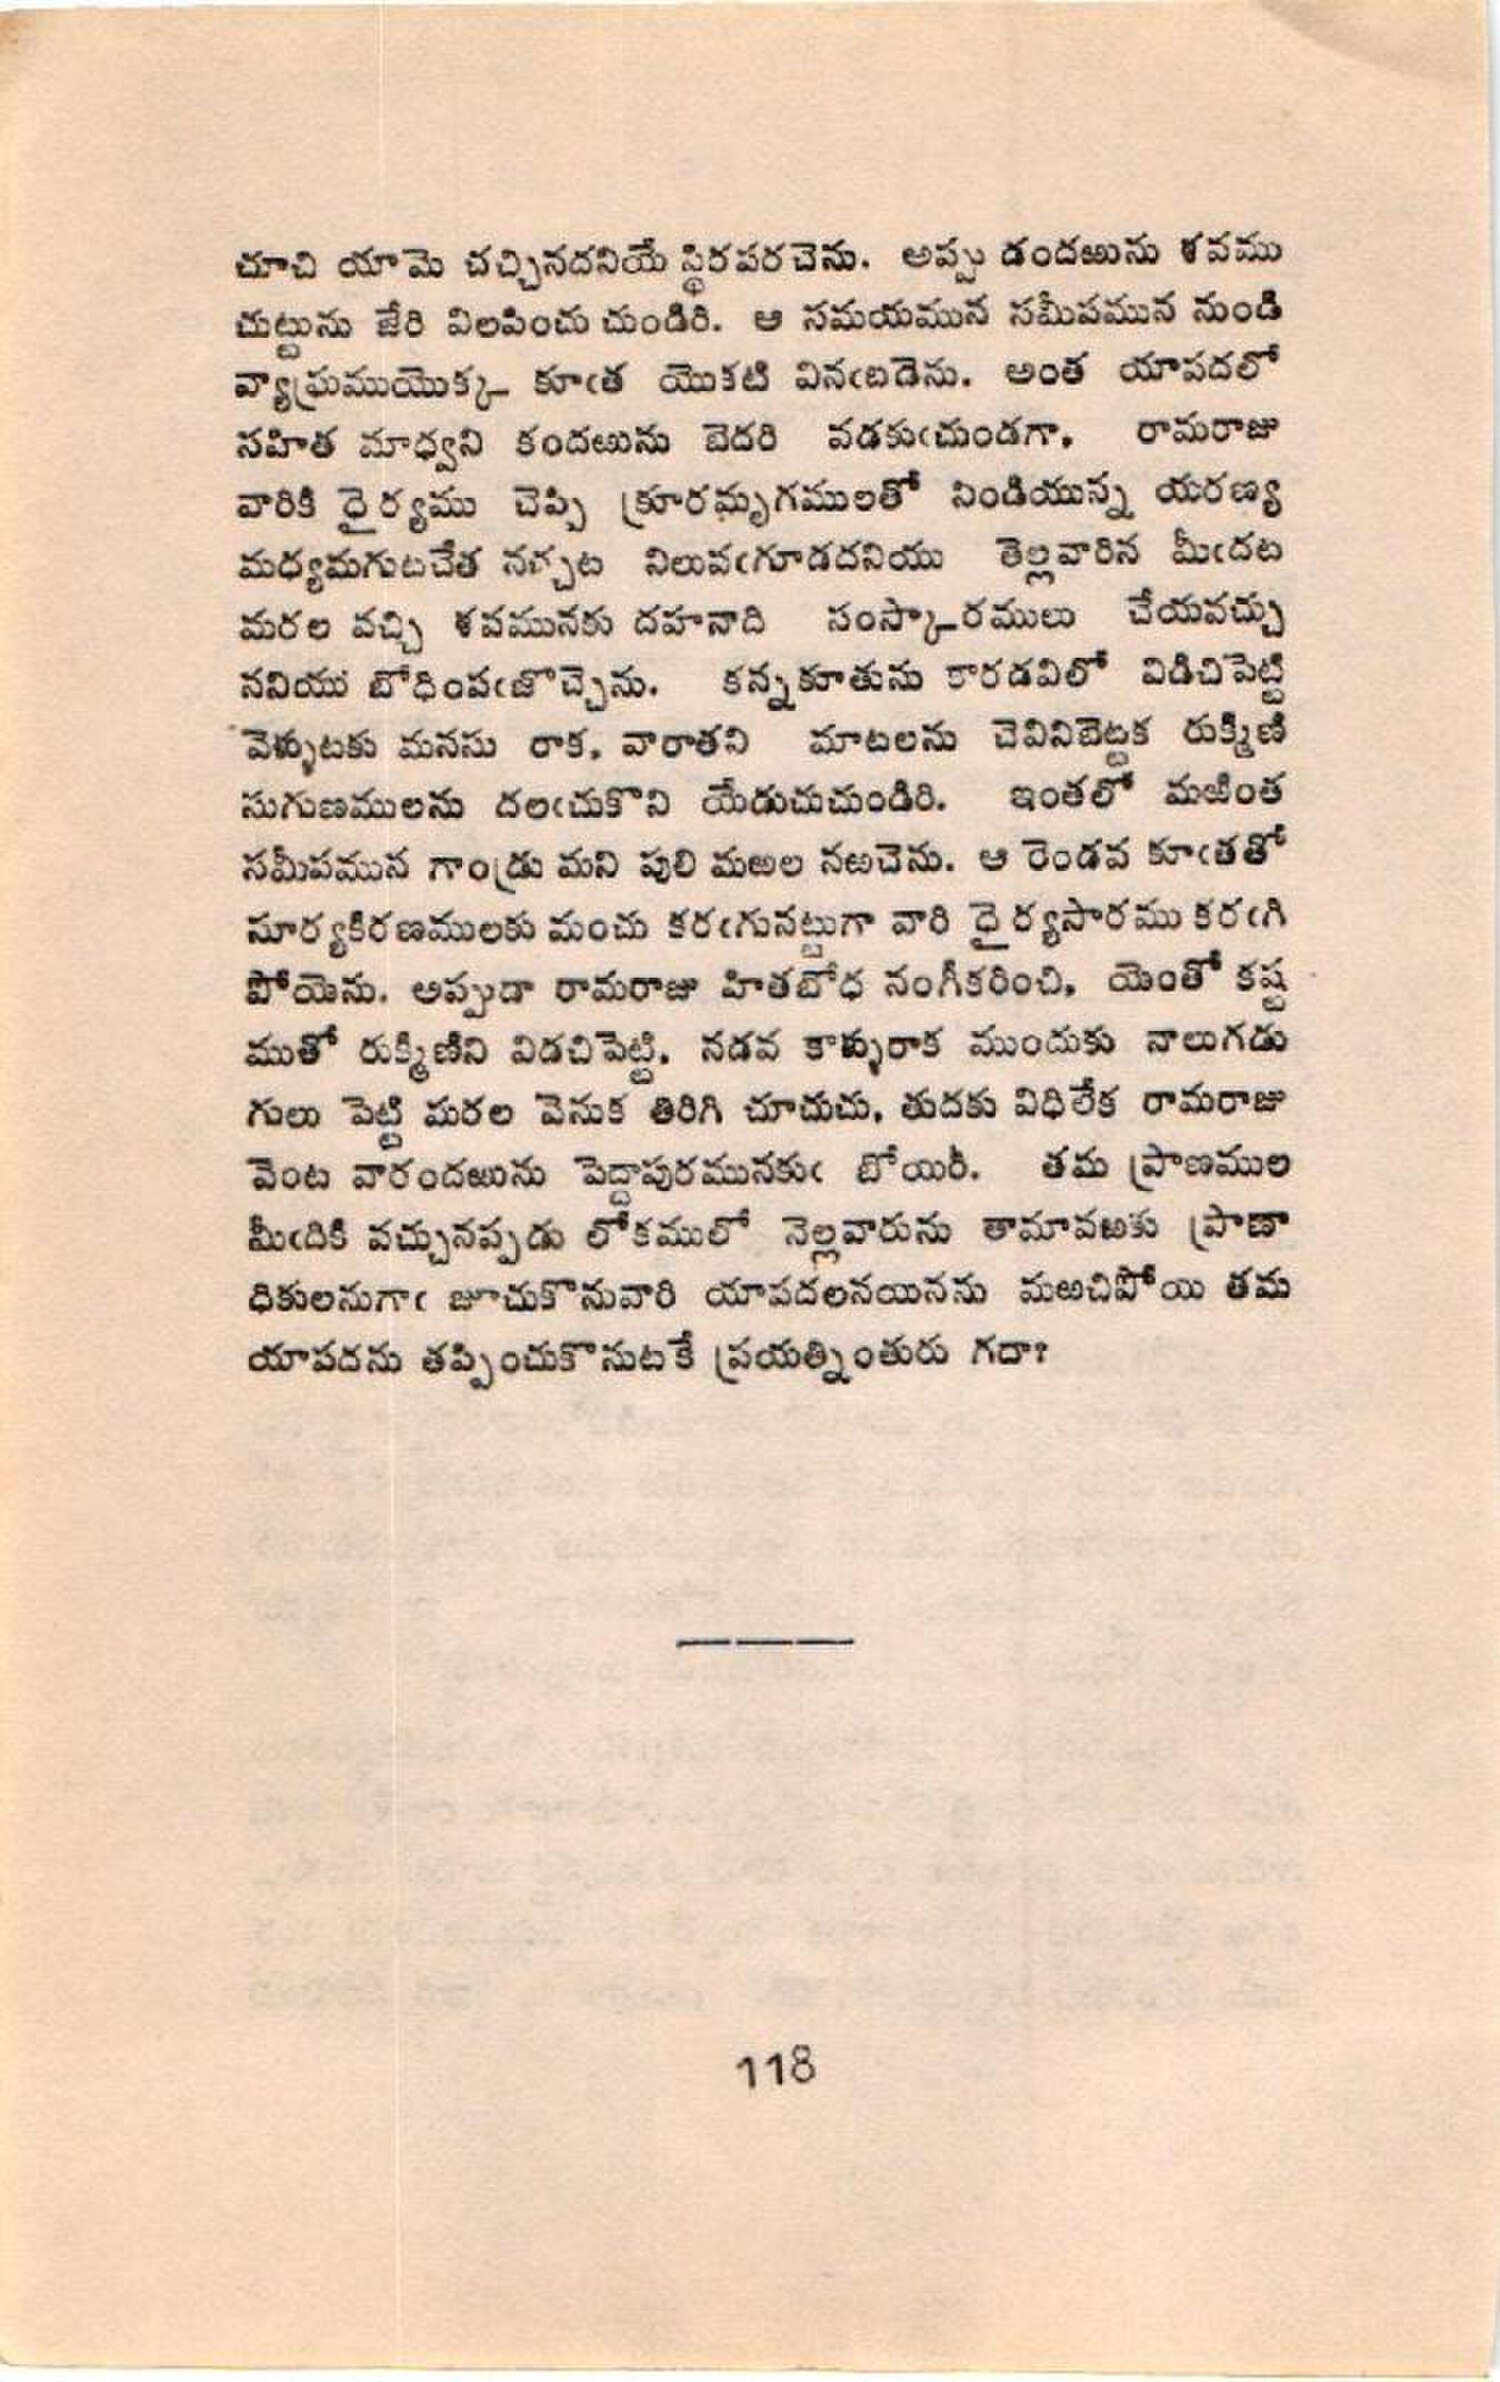చూచి యామె చచ్చినదనియే స్థిరపరచెను. అప్పడందఱును శవము చుట్టును జేరి విలపించుచుండిరి. ఆ సమయమున సమీపమున నుండి వ్యాఘ్రముయొక్క కూఁత యొకటి వినఁబడెను. అంత యాపదలో సహిత మాధ్వని కందఱును బెదరి వడకుఁచుండగా, రామరాజు వారికి ధైర్యము చెప్పి క్రూరమృగములతో నిండియున్న యరణ్య మధ్యమగుటచేత నచ్చట నిలువఁగూడదనియు తెల్లవారిన మీఁదట మరల వచ్చి శవమునకు దహనాది సంస్కారములు చేయవచ్చు ననియు బోధింపఁజొచ్చెను. కన్నకూతును కారడవిలో విడిచిపెట్టి వెళ్ళుటకు మనసు రాక, వారాతని మాటలను చెవినిబెట్టక రుక్మిణి సుగుణములను దలఁచుకొని యేడుచుచుండిరి. ఇంతలో మఱింత సమీపమున గాండ్రు మని పులి మఱల నఱచెను. ఆ రెండవ కూఁతతో సూర్యకిరణములకు మంచు కరఁగునట్టుగా వారి 
ధైర్యసారము కరఁగి పోయెను. అప్పుడా రామరాజు హితబోధ నంగీకరించి, యెంతో కష్ట ముతో రుక్మిణిని విడచిపెట్టి, నడవ కాళ్ళరాక ముందుకు నాలుగడు గులు పెట్టి మరల వెనుక తిరిగి చూచుచు, తుదకు విధిలేక రామరాజు వెంట వారందఱును పెద్దాపురమునకుఁ బోయిరీ, తమ ప్రాణముల మీఁదికి వచ్చునప్పడు లోకములో నెల్లవారును తామావఱకు ప్రాణా ధికులనుగాఁ జూచుకొనువారి యాపదలనయినను మఱచిపోయి తమ యాపదను తప్పించుకొనుటకే ప్రయత్నింతురు గదా?